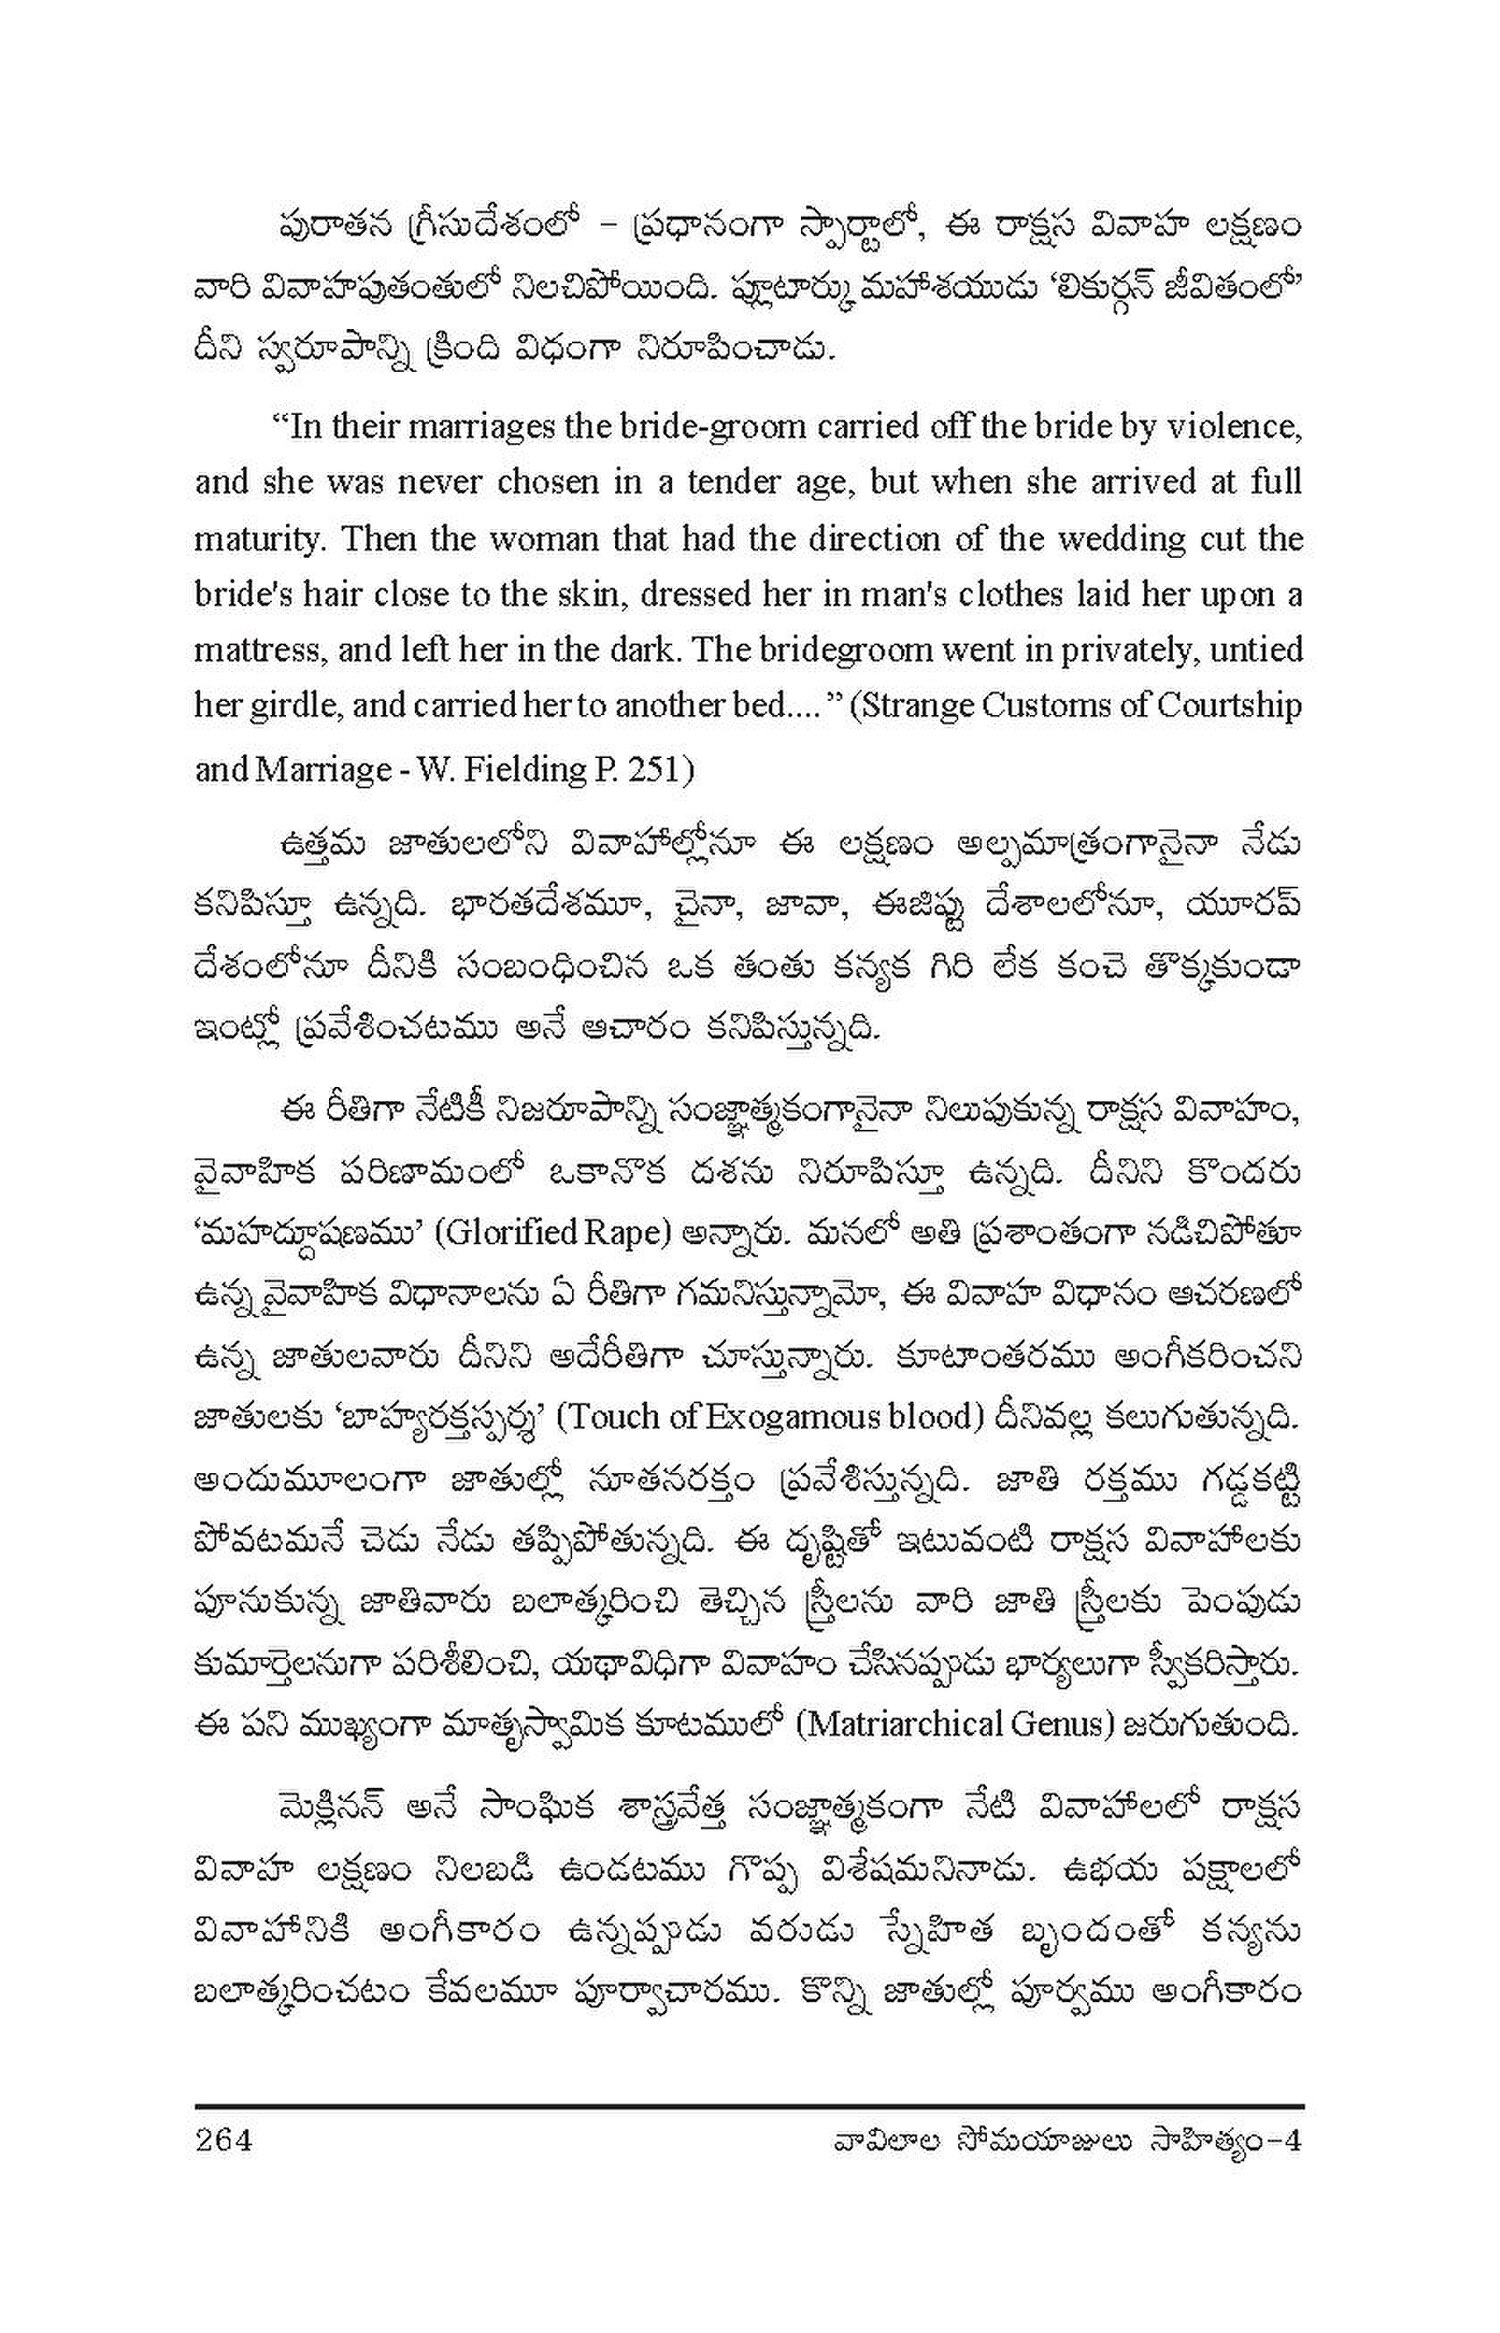పురాతన గ్రీసుదేశంలో - ప్రధానంగా స్పార్టాలో, ఈ రాక్షస వివాహ లక్షణం
వారి వివాహపుతంతులో నిలచిపోయింది. ఫ్లూటార్కు మహాశయుడు 'లికుర్గన్ జీవితంలో
దీని స్వరూపాన్ని క్రింది విధంగా నిరూపించాడు.

"In their marriages the bride-groom carried off the bride by violence,
and she was never chosen in a tender age, but when she arrived at full
maturity. Then the woman that had the direction of the wedding cut the
bride's hair close to the skin, dressed her in man's clothes laid her upon a
mattress, and left her in the dark. The bridegroom went in privately, untied
her girdle, and carried her to another bed....” (Strange Customs of Courtship and Marriage - W. Fielding P. 251)

ఉత్తమ జాతులలోని వివాహాల్లోనూ ఈ లక్షణం అల్పమాత్రంగానైనా నేడు
కనిపిస్తూ ఉన్నది. భారతదేశమూ, చైనా, జావా, ఈజిప్టు దేశాలలోనూ, యూరప్
దేశంలోనూ దీనికి సంబంధించిన ఒక తంతు కన్యక గిరి లేక కంచె తొక్కకుండా
ఇంట్లో ప్రవేశించటము అనే ఆచారం కనిపిస్తున్నది.

ఈ రీతిగా నేటికీ నిజరూపాన్ని సంజ్ఞాత్మకంగానైనా నిలుపుకున్న రాక్షస వివాహం,
వైవాహిక పరిణామంలో ఒకానొక దశను నిరూపిస్తూ ఉన్నది. దీనిని కొందరు
‘మహద్దూషణము' (Glorified Rape) అన్నారు. మనలో అతి ప్రశాంతంగా నడిచిపోతూ
ఉన్న వైవాహిక విధానాలను ఏ రీతిగా గమనిస్తున్నామో, ఈ వివాహ విధానం ఆచరణలో
ఉన్న జాతులవారు దీనిని అదేరీతిగా చూస్తున్నారు. కూటాంతరము అంగీకరించని
జాతులకు ‘బాహ్యరక్తస్పర్శ' (Touch of Exogamous blood) దీనివల్ల కలుగుతున్నది.
అందుమూలంగా జాతుల్లో నూతనరక్తం ప్రవేశిస్తున్నది. జాతి రక్తము గడ్డకట్టి
పోవటమనే చెడు నేడు తప్పిపోతున్నది. ఈ దృష్టితో ఇటువంటి రాక్షస వివాహాలకు
పూనుకున్న జాతివారు బలాత్కరించి తెచ్చిన స్త్రీలను వారి జాతి స్త్రీలకు పెంపుడు
కుమార్తెలనుగా పరిశీలించి, యథావిధిగా వివాహం చేసినప్పుడు భార్యలుగా స్వీకరిస్తారు.
ఈ పని ముఖ్యంగా మాతృస్వామిక కూటములో (Matriarchical Genus) జరుగుతుంది.

మెక్లినన్ అనే సాంఘిక శాస్త్రవేత్త సంజ్ఞాత్మకంగా నేటి వివాహాలలో రాక్షస
వివాహ లక్షణం నిలబడి ఉండటము గొప్ప విశేషమనినాడు. ఉభయ పక్షాలలో
వివాహానికి అంగీకారం ఉన్నప్పుడు వరుడు స్నేహితబృందంతో కన్యను
బలాత్కరించటం కేవలమూ పూర్వాచారము. కొన్ని జాతుల్లో పూర్వము అంగీకారం